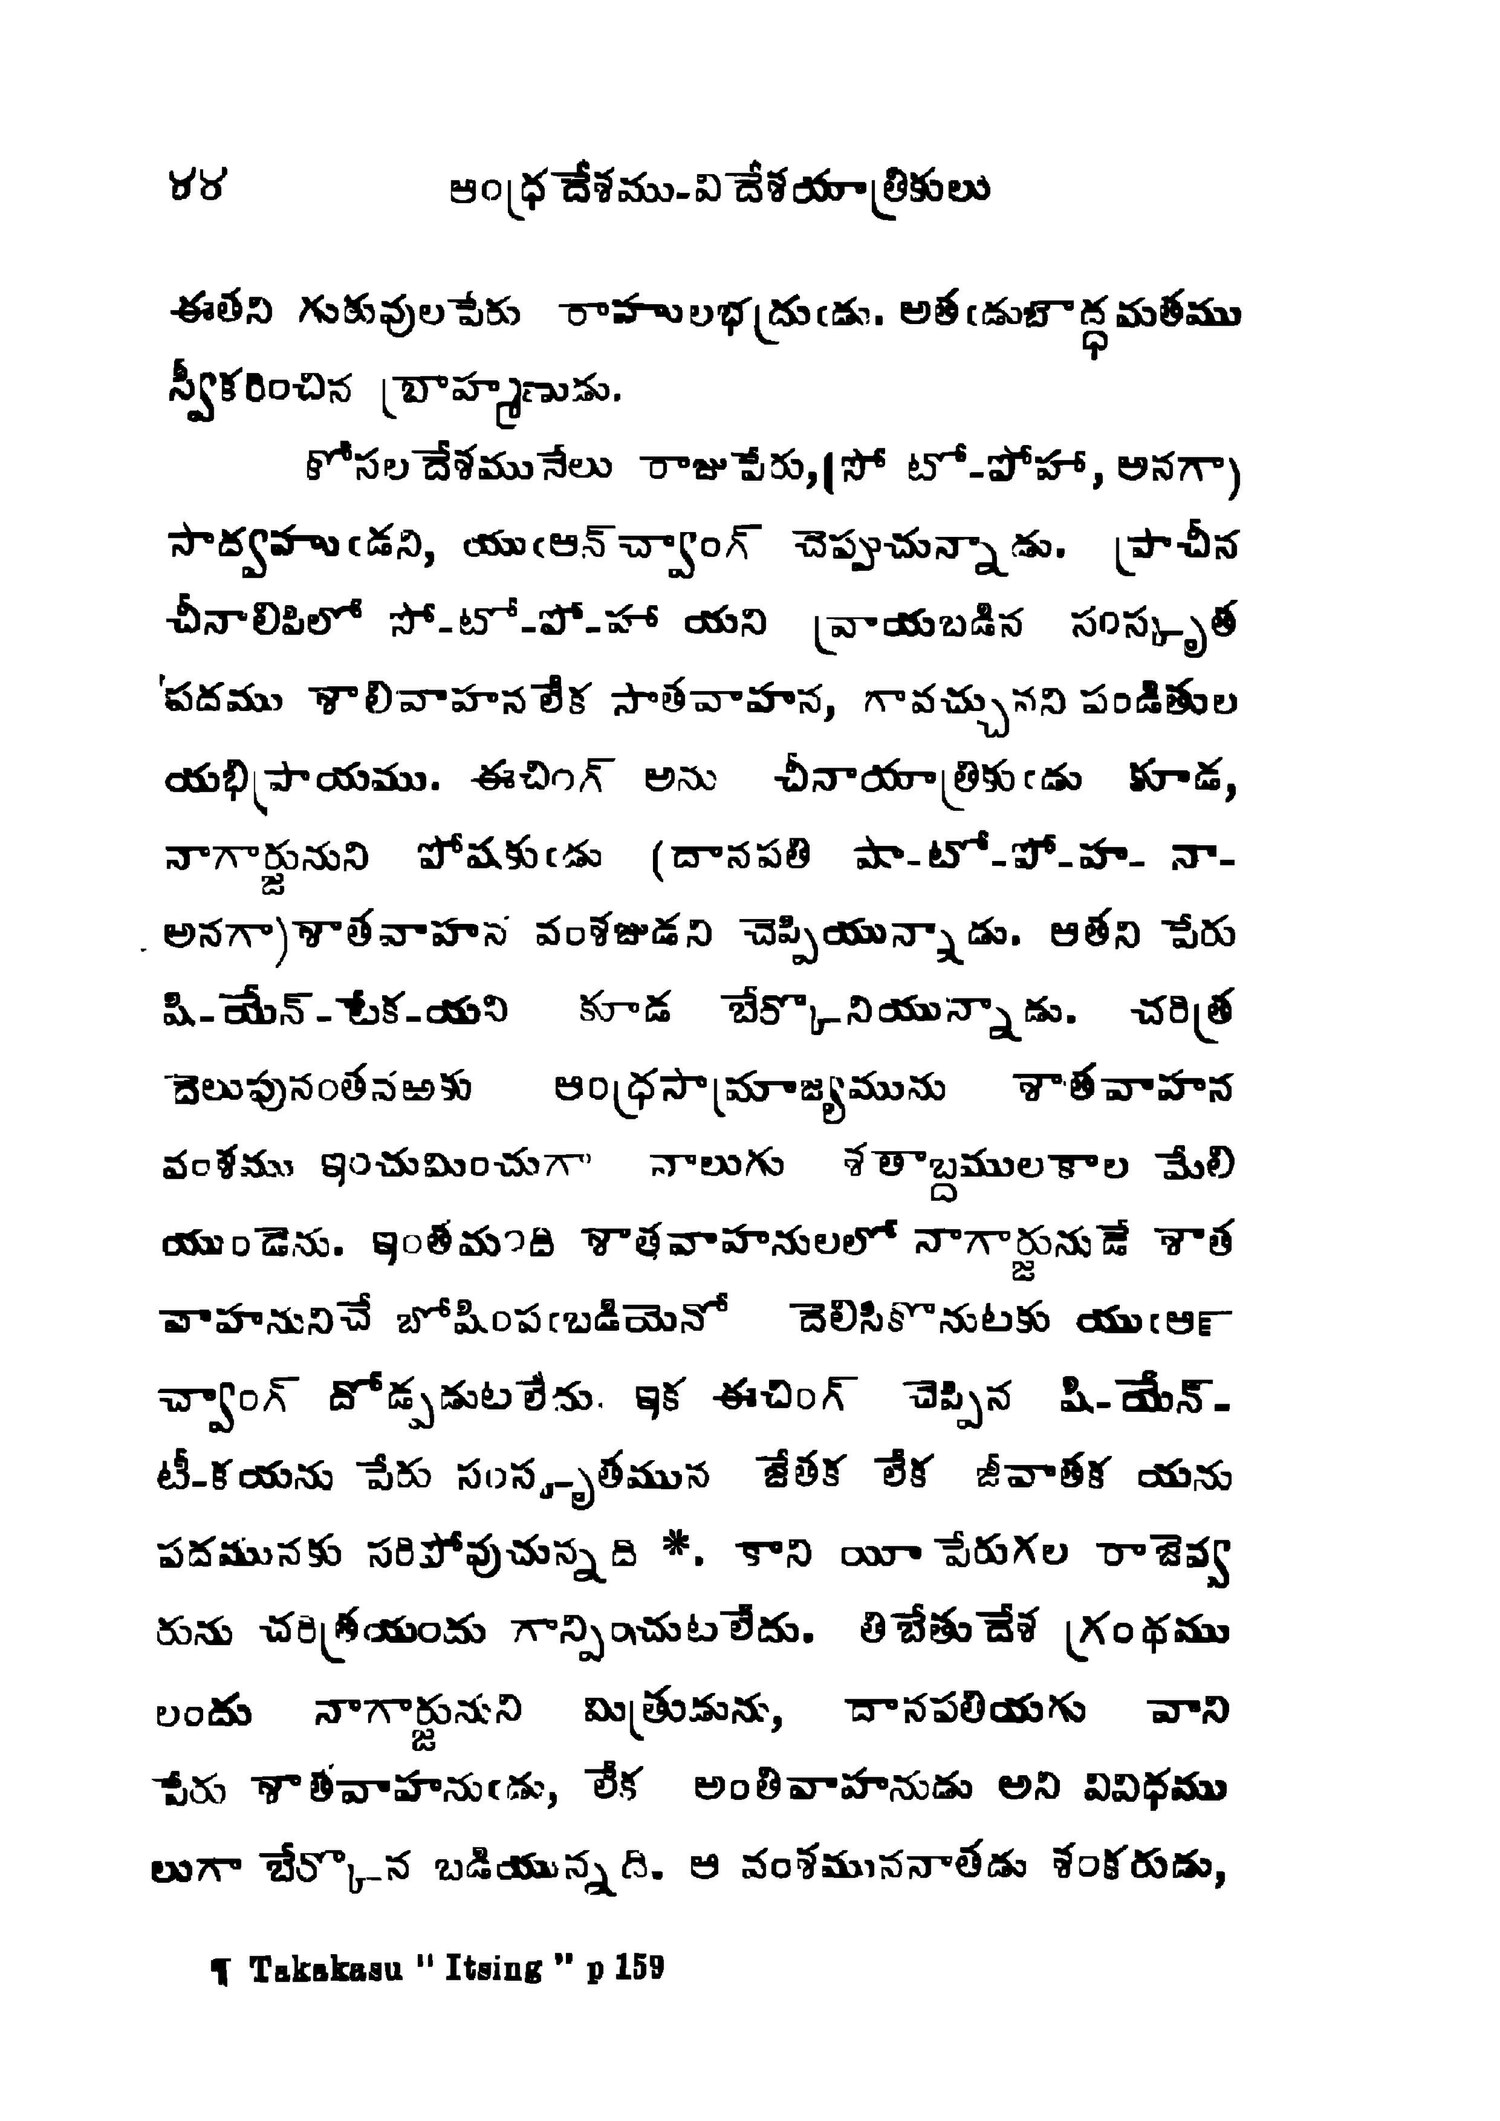ఈతని గురువులపేరు రాహులభద్రుడు. అతడుబౌద్ధమతము స్వీకరించిన బ్రాహ్మణుడు.

కోసలదేశమునేలు రాజుపేరు, (సో టో-పోహా, అనగా) సాద్వహుడని, యుఆన్‌చ్వాంగ్ చెప్పుచున్నాడు. ప్రాచీన చీనాలిపిలో సో-టో-పో-హా యని వ్రాయబడిన సంస్కృత పదము శాలివాహన లేక సాతవాహన, గావచ్చునని పండితుల యభిప్రాయము. ఈచింగ్ అను చీనాయాత్రికుడు కూడ, నాగార్జునుని పోషకుడు (దానపతి షా-టో-పో-హ-నా-అనగా) శాతవాహన వంశజుడని చెప్పియున్నాడు, ఆతని పేరు షి-యేన్-టేక-యని కూడ బేర్కొనియున్నాడు. చరిత్ర దెలుపునంతవఱకు ఆంధ్రసామ్రాజ్యమును శాతవాహన వంశము ఇంచుమించుగా నాలుగు శతాబ్దములకాల మేలి యుండెను. ఇంతమంది శాతవాహునులలో నాగార్జునుడే శాతవాహనునిచే బోషింపబడియెనో దెలిసికొనుటకు యుఆన్‌చ్వాంగ్ దోడ్పడుటలేదు. ఇక ఈచింగ్ చెప్పిన షి-యేన్-టీ-క యను పేరు సంస్కృతమున జేతక లేక జీవాతక యను పదమునకు సరిపోవుచున్నది. కాని యీపేరుగల రాజెవ్వరును చరిత్రయందు గాన్పించుటలేదు. తిబేతుదేశ గ్రంథములందు నాగార్జునుని మిత్రుడును, దానపతియగు వాని పేరు శాతవాహనుడు, లేక అంతివాహనుడు అని వివిధములుగా బేర్కొన బడియున్నది. ఆ వంశముననాతడు శంకరుడు,